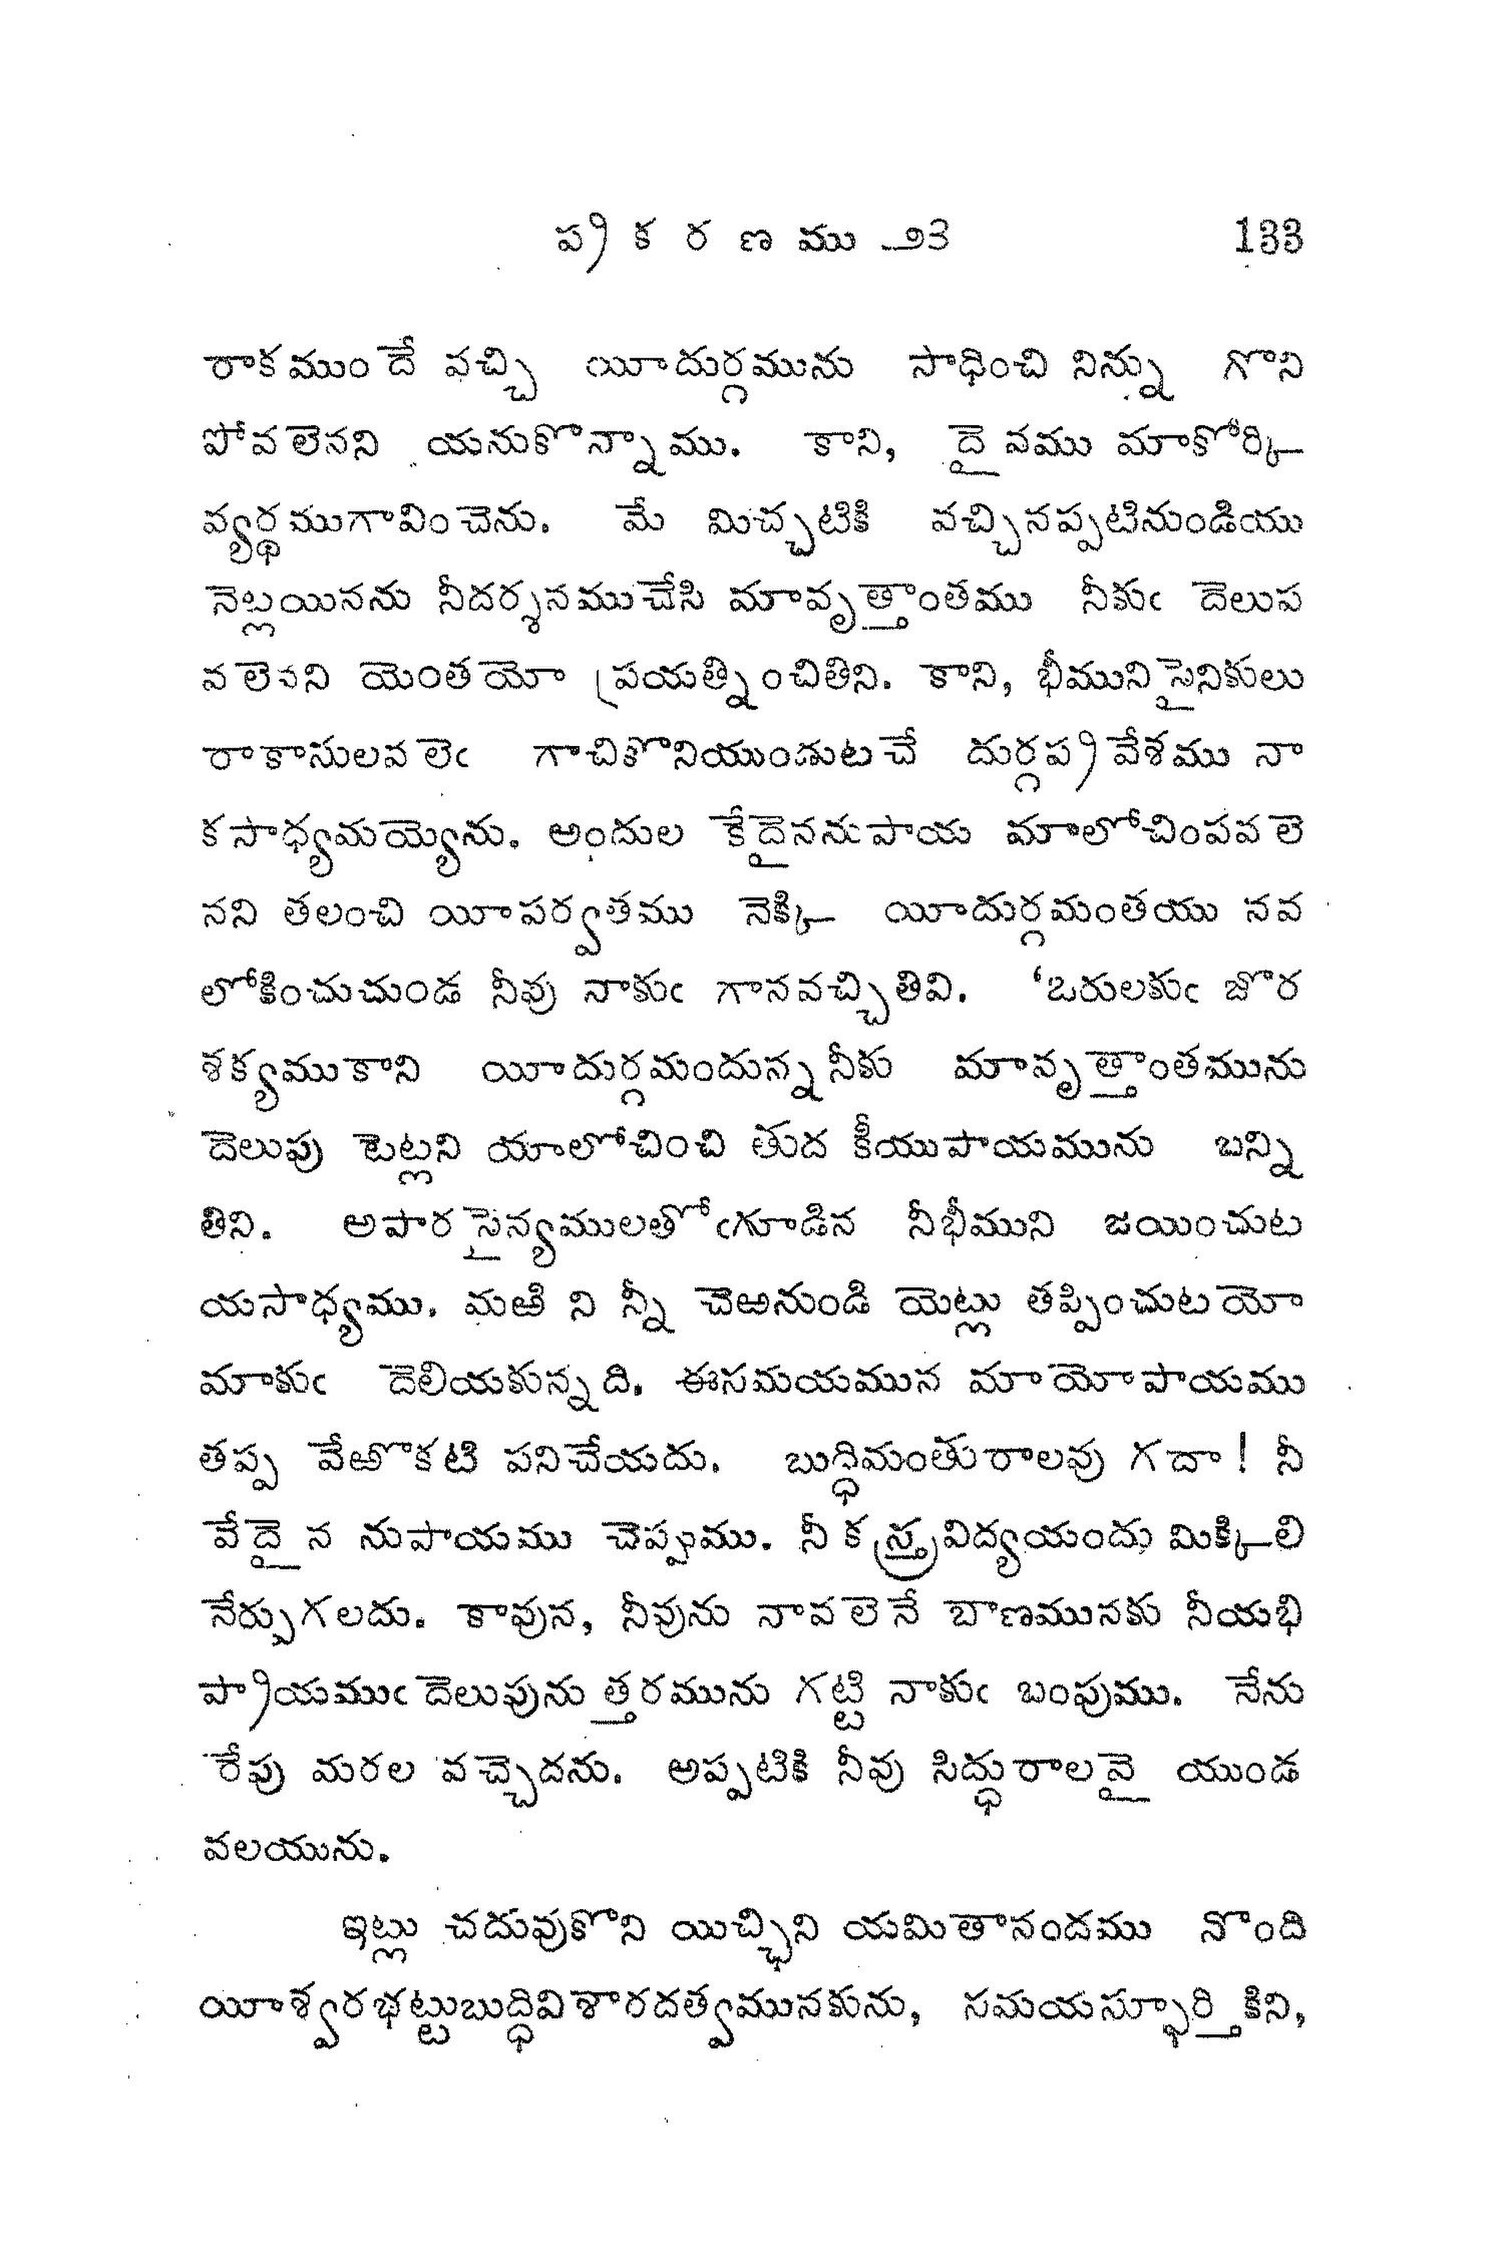రాకముం దే వచ్చి యీదుర్గమును సాధించి నిన్ను గొని
పోవ లెనని యనుకొన్నాము. కాని, దైవము మాకోర్కి-
వ్యర్థ ము గావించెను.మే మిచ్చటికి వచ్చినప్పటినుండియు
నెట్లయినను నీదర్శనము చేసి మావృత్తాంతము నీకుఁ దెలుప
వలెవని యెంత యో ప్రయత్నించితిని. కాని, భీముని సైనికులు
రాకాసులవ లెం గాచి కొనియుండుట చే దుర్గప్రవేశము నా
క సాధ్యమయ్యెను. అందుల కేదైనను పాయ మాలోచింపవ లె
నని తలంచి యీ పర్వతము నెక్కి యీదుర్గమంతయు నవ
లోకించుచుండ నీవు నాకుఁ గాన వచ్చితివి. 'ఒరులకుఁ జొర
శక్యము కాని యీదుర్గమందున్న నీకు మావృత్తాంతమును
దెలుపు టెట్లని యాలోచించి తుద కీయుపాయమును బన్ని
అపార సైన్యములతో గూడిన నీభీముని జయించుట
యసాధ్యము, మఱి నిన్నీ చెఱనుండి యెట్లు తప్పించుటయో
మాకుఁ దెలియకున్నది, ఈసమయమున మాయోపాయము
తప్ప వేటొకటి పని చేయదు, బుద్ధిమంతురాలవు గదా ! నీ
వేదైన నుపాయము చెప్పుము. నీకస్త్ర విద్యయందు మిక్కిలి
నేర్చుగలదు. కావున, నీవును నావ లెనే బాణమునకు నీయభి
పాయముఁ దెలుపును త్తరమును గట్టి నాకుఁ బంపుము. నేను
రేపు మరల వచ్చెదను. అప్పటికి నీవు సిద్ధురాలనై యుండ
వలయును.

ఇట్లు చదువుకొని యిచ్చిని యమి తానందము నొంది
యీశ్వర భట్టుబుద్ధిని శారదత్వమునకును, సమయస్ఫూర్తి కిని,